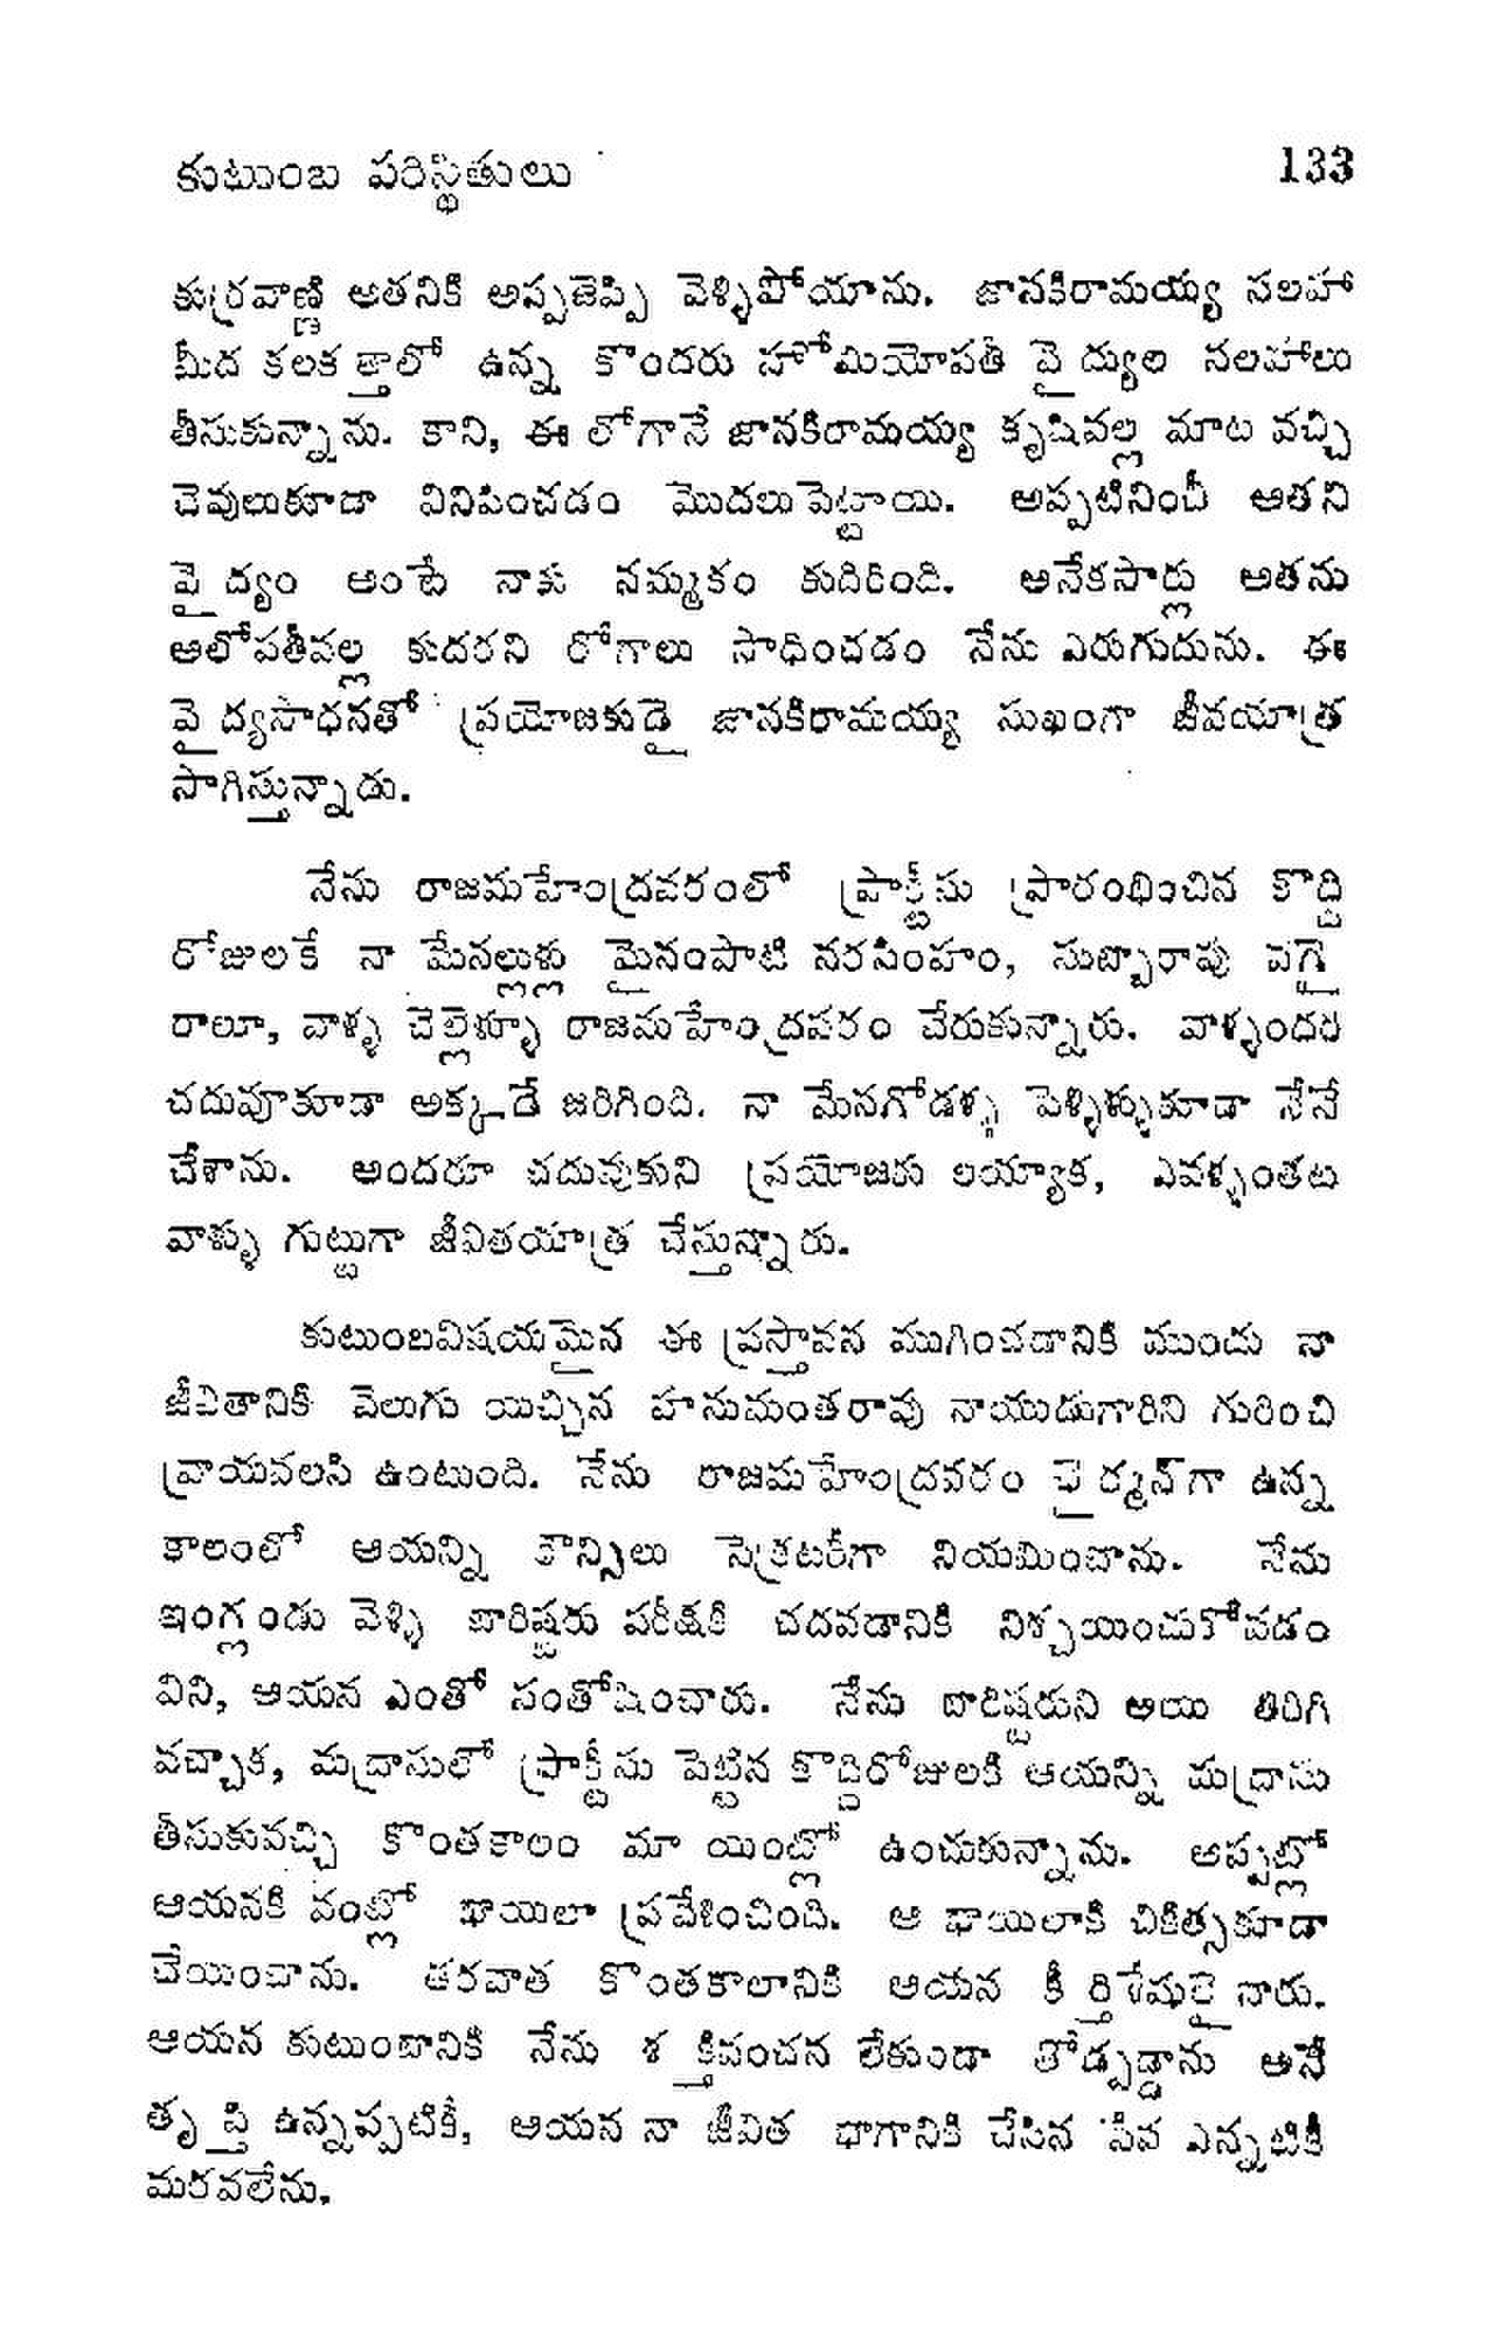కుర్రవాణ్ణి అతనికి అప్పజెప్పి వెళ్ళిపోయాను. జానకిరామయ్య సలహామీద కలకత్తాలో ఉన్న కొందరు హోమియోపతీ వైద్యుల సలహాలు తీసుకున్నాను. కాని, ఈ లోగానే జానకిరామయ్య కృషివల్ల మాట వచ్చి చెవులుకూడా వినిపించడం మొదలు పెట్టాయి. అప్పటినించీ అతని వైద్యం అంటే నాకు నమ్మకం కుదిరింది. అనేకసార్లు అతను అలోపతీవల్ల కుదరని రోగాలు సాధించడం నేను ఎరుగుదును. ఈ వైద్యసాధనతో ప్రయోజకుడై జానకిరామయ్య సుఖంగా జీవయాత్ర సాగిస్తున్నాడు.

నేను రాజమహేంద్రవరంలో ప్రాక్టీసు ప్రారంభించిన కొద్ది రోజులకే నా మేనల్లుళ్లు మైనంపాటి నరసింహం, సుబ్బారావు వగైరాలూ, వాళ్ళ చెల్లెళ్ళూ రాజమహేంద్రవరం చేరుకున్నారు. వాళ్ళందరి చదువూకూడా అక్కడే జరిగింది. నా మేనగోడళ్ళ పెళ్ళిళ్ళుకూడా నేనే చేశాను. అందరూ చదువుకుని ప్రయోజకు లయ్యాక, ఎవళ్ళంతట వాళ్ళు గుట్టుగా జీవితయాత్ర చేస్తున్నారు.

కుటుంబ విషయమైన ఈ ప్రస్తావన ముగించడానికి ముందు నా జీవితానికి వెలుగు యిచ్చిన హనుమంతరావు నాయుడుగారిని గురించి వ్రాయవలసి ఉంటుంది. నేను రాజమహేంద్రవరం ఛైర్మన్‌గా ఉన్న కాలంలో ఆయన్ని కౌన్సిలు సెక్రటరీగా నియమించాను. నేను ఇంగ్లండు వెళ్ళి బారిష్టరు పరీక్షకి చదవడానికి నిశ్చయించుకోవడం విని, ఆయన ఎంతో సంతోషించారు. నేను బారిష్టరుని అయి తిరిగి వచ్చాక, మద్రాసులో ప్రాక్టీసు పెట్టిన కొద్దిరోజులకి ఆయన్ని మద్రాసు తీసుకువచ్చి కొంతకాలం మా యింట్లో ఉంచుకున్నాను. అప్పట్లో ఆయనకి వంట్లో ఖాయిలా ప్రవేశించింది. ఆ ఖాయిలాకి చికిత్సకూడా చేయించాను. తరవాత కొంతకాలానికి ఆయన కీర్తిశేషులైనారు. ఆయన కుటుంబానికి నేను శక్తివంచన లేకుండా తోడ్పడ్డాను అనే తృప్తి ఉన్నప్పటికీ, ఆయన నా జీవిత భాగానికి చేసిన సేవ ఎన్నటికీ మరవలేను.